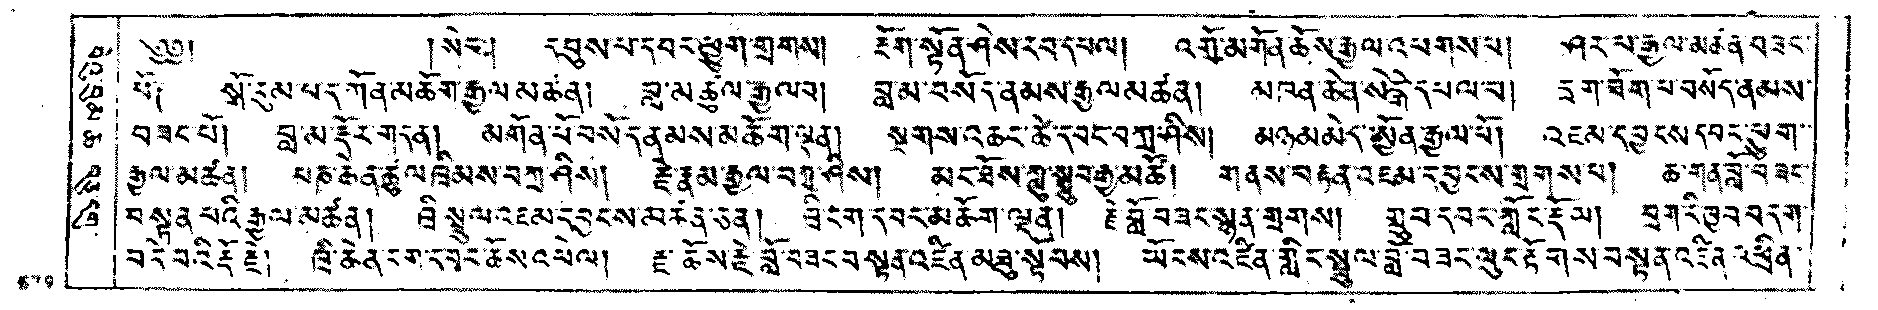༄༅། །སེང་། དབུས་པ་དབང་ཕྱུག་གྲགས། རྔོག་སྟོན་ཤེས་རབ་དཔལ། འགྲོ་མགོན་ཆོས་རྒྱལ་འཕགས་པ། ཤར་པ་རྒྱལ་མཚན་བཟང་
པོ༑ སྒོ་རུམ་པ་དཀོན་མཆོག་རྒྱལ་མཚན། བླ་མ་ཚུལ་རྒྱལ་བ། བླ་མ་བསོད་ནམས་རྒྱལ་མཚན། མཁན་ཆེན་སེངྒེ་དཔལ་བ། དྲག་ཐོག་པ་བསོད་ནམས་
བཟང་པོ། བླ་མ་རྡོར་གདན། མགོན་པོ་བསོད་ནམས་མཆོག་ལྡན། སྔགས་འཆང་ཚེ་དབང་བཀྲ་ཤིས། མཉམ་མེད་ཨཡོན་རྒྱལ་པོ། འཇམ་དབྱངས་དབྱང་ཕྱུག་
རྒྱལ་མཚན། པཎ་ཆེན་ཚུལ་ཁྲིམས་བཀྲ་ཤིས། རྗེ་རྣམ་རྒྱལ་བཀྲ་ཤིས། མང་ཐོས་ཀླུ་སྒྲུབ་རྒྱ་མཚོ། གནས་བརྟན་འཇམ་དབྱངས་གྲགས་པ། ཆ་གན་བློ་བཟང་
བསྟན་པའི་རྒྱལ་མཚན། ཁྲི་སྤྲུལ་འཇམ་དབྱངས་མཚན་ཅན། ཁྲི་ངག་དབང་མཆོག་ལྡན། རྗེ་བློ་བཟང་སྙན་གྲགས། གྲུབ་དབང་ཀློང་རྡོལ། བྲག་རི་ཁྱབ་བདག་
བདེ་བའི་རྡོ་རྗེ། ཁྲི་ཆེན་ངག་དབང་ཆོས་འཕེལ། རྫ་ཆོས་རྗེ་བློ་བཟང་བསྟན་འཛིན་མཐུ་སྟོབས། ཡོངས་འཛིན་གླིང་སྤྲུལ་བློ་བཟང་ལུང་རྟོགས་བསྟན་འཛིན་འཕྲིན་